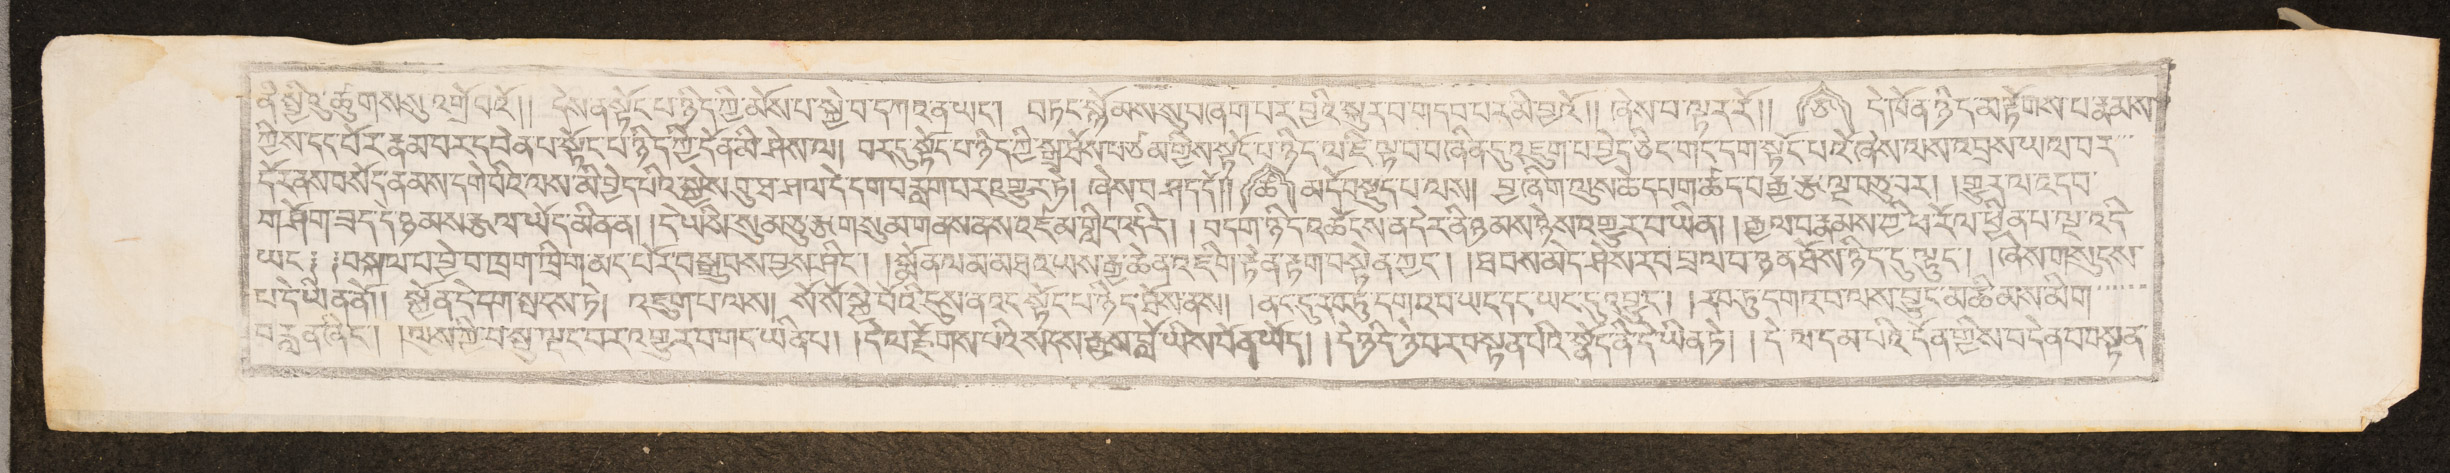ནི་སྤྱིའུ་ཚུགས་སུ་འགྲོ་བའོ།། དེས་ན་སྟོང་པ་ཉིད་ཀྱི་མོས་པ་སྐྱེ་བ་དཀའ་ན་ཡང་། བཏང་སྙོམས་སུ་བཞག་པར་བྱའི་སྐུར་བ་གདབ་པར་མི་བྱའོ།། ཞེས་པ་ལྟར་རོ།། ༼༽ཅ༼༽ དེ་ཁོ་ན་ཉིད་མ་རྟོགས་པ་རྣམས་
ཀྱིས་དང་པོར་རྣམ་པར་དབེན་པ་སྟོང་པ་ཉིད་ཀྱི་དོན་མི་ཤེས་ལ། བར་དུ་སྟོད་པ་ཉིད་ཀྱི་སྒྲ་ཐོས་པ་ཙམ་གྱིས་སྟོང་པ་ཉིད་ལ་ཇི་ལྟར་བ་བཞིན་དུ་འཇུག་པ་བྱེད་ཅིང་གང་དག་སྟོང་པའོ་ཞེས་ལས་འབྲས་ཡལ་བར་
དོར་ནས་བསོད་ནམས་དགེ་བའི་ལས་མི་བྱེད་པའི་སྐྱེས་བུ་ཐ་ཤལ་དེ་དག་བརླག་པར་འགྱུར་ཏེ། ཞེས་བཤད་དོ།། ༼༽ཚ༼༽ མདོ་བསྡུད་པ་ལས། བྱ་ཞིག་ལུས་ཆེ་དཔག་ཚད་བརྒྱ་རྩ་ལྔ་བཅུ་བར། །གྱུར་ལ་འདབ་
གཤོག་ཟད་དེ་ཉམས་རྩལ་ཡོད་མིན་ན། །དེ་ཡིས་སུམ་ཅུ་རྩ་གསུམ་གནས་ནས་འཛམ་གླིང་འདིར། །བདག་ཉིད་འཆོངས་ན་དེར་ནི་ཉམས་ཉེས་འགྱུར་བ་ཡིན། །རྒྱལ་བ་རྣམས་ཀྱི་ཕ་རོལ་ཕྱིན་པ་ལྔ་འདི་
ཡང༑ ༑བསྐལ་བ་བྱེ་བ་ཁྲག་ཁྲིག་མང་པོར་བསྒྲུབས་བྱས་ཤིང་། །སྨོན་ལམ་མཐའ་ཡས་རྒྱ་ཆེན་འཇིག་རྟེན་རྟག་བསྟེན་ཀྱང་། །ཐབས་མེད་ཤེས་རབ་བྲལ་བ་ཉན་ཐོས་ཉིད་དུ་ལྟུང་། །ཞེས་གསུངས་
པ་དེ་ཡིན་ནོ།། སྐྱོན་དེ་དག་སྤངས་ཏེ། འཇུག་པ་ལས། སོ་སོ་སྐྱེ་བོའི་དུས་ནའང་སྟོང་པ་ཉིད་ཐོས་ནས། །ནང་དུ་རབ་ཏུ་དགའ་བ་ཡང་དང་ཡང་དུ་འབྱུང་། །རབ་ཏུ་དགའ་བ་ལས་བྱུང་འཆི་མས་མིག་
བརླན་ཞིང་། །ལུས་ཀྱི་བ་སྤུ་ལྡང་བར་འགྱུར་བ་གང་ཡིན་པ། །དེ་ལ་རྫོགས་པའི་སངས་རྒྱས་བློ་ཡི་ས་བོ་ན་ཡོད། །དེ་ཉིད་ཉེ་བར་བསྟན་པའི་སྣོད་ནི་དེ་ཡིན་ཏེ། །དེ་ལ་དམ་པའི་དོན་གྱིས་བདེན་པ་བསྟན་